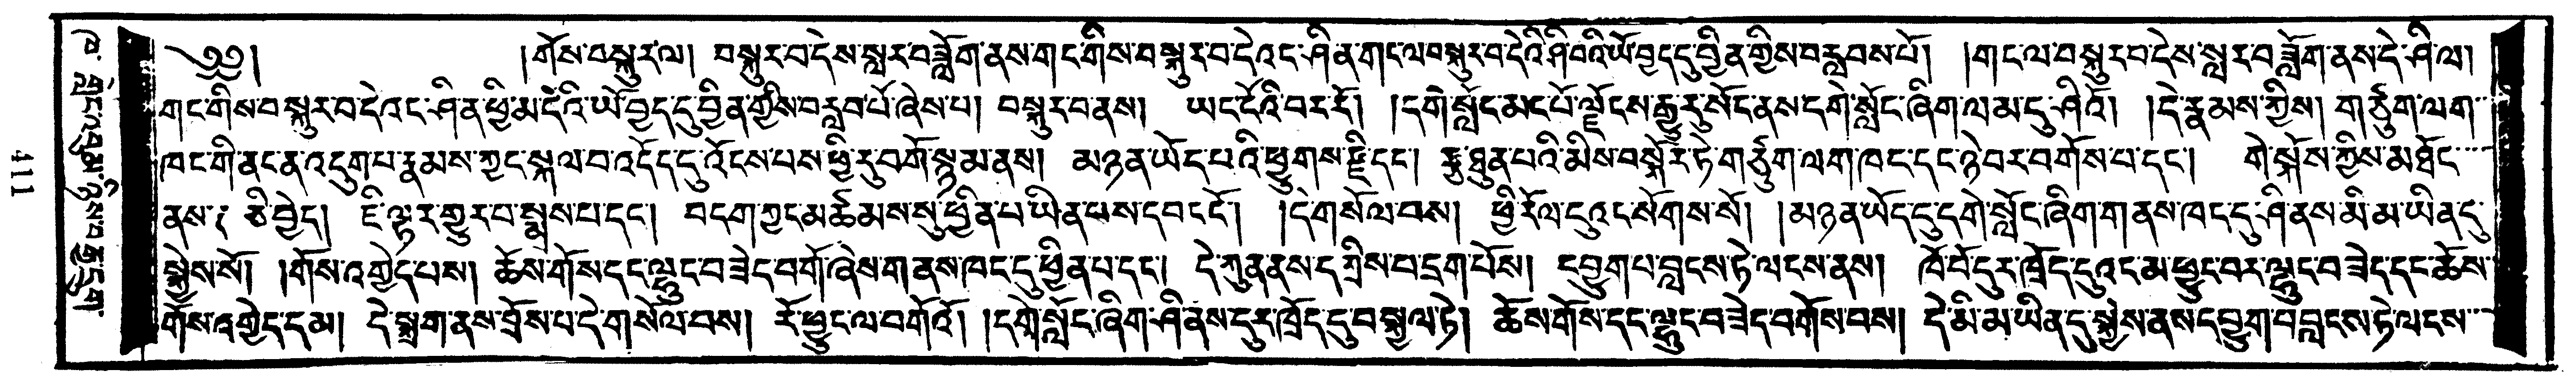༄༅། །གོས་བསྐུར་ལ། བསྐུར་བ་དེས་སླར་བཟློག་ནས་གང་གིས་བསྐུར་བ་དེའང་ཤི་ན་གང་ལ་བསྐུར་བ་དེའི་ཤི་བའི་ཡོ་བྱད་དུ་བྱིན་གྱིས་བརླབས་པོ། །གང་ལ་བསྐུར་བ་དེས་སླར་བཟློག་ནས་དེ་ཤི་ལ།
གང་གིས་བསྐུར་བ་དེའང་ཤི་ན་ཕྱི་མ་དེའི་ཡོ་བྱད་དུ་བྱིན་གྱིས་བརླབ་པོ་ཞེས་པ། བསྐུར་བ་ནས། ཡང་ངོའི་བར་རོ། །དགེ་སློང་མང་པོ་ལྗོངས་རྒྱུ་རུ་སོང་ནས་དགེ་སློང་ཞིག་ལམ་དུ་ཤིའོ། །དེ་རྣམས་ཀྱིས། གཙུག་ལག་
ཁང་གི་ནང་ན་འདུག་པ་རྣམས་ཀྱང་སྐལ་བ་འདོད་དུ་འོངས་པས་ཕྱི་རུ་བགོ་སྙམ་ནས། མཉན་ཡོད་པའི་ཕྱུགས་རྫི་དང་། རྩ་ཐུན་པའི་མིས་བསྐོར་ཏེ་གཙུག་ལག་ཁང་དང་ཉེ་བར་བགོས་པ་དང་། གེ་སྐོས་ཀྱིས་མཐོང་
ནས༑ ཅི་བྱེད། ཇི་ལྟར་གྱུར་པ་སྨྲས་པ་དང་། བདག་ཀྱང་མཚམས་སུ་ཕྱིན་པ་ཡིན་པས་དབང་ངོ། །དེ་གསོལ་བས། ཕྱི་རོལ་དུའང་སོགས་སོ། །མཉན་ཡོད་དུ་དགེ་སློང་ཞིག་གནས་ཁང་དུ་ཤི་ནས་མི་མ་ཡིན་དུ་
སྐྱེས་སོ། །གོས་འགྱེད་པས། ཆོས་གོས་དང་ལྷུང་བཟེད་བགོ་ཞེས་གནས་ཁང་དུ་ཕྱིན་པ་དང་། དེ་ཀུན་ནས་དཀྲིས་པ་དྲག་པོས། དབྱུག་པ་བླངས་ཏེ་ལངས་ནས། ཁོ་བོ་དུར་ཁྲོད་དུའང་མ་ཕྱུང་བར་ལྷུང་བཟེད་དང་ཆོས་
གོས་འགྱེད་དམ། དེ་སྐྲག་ནས་བྲོས་པ་དེ་གསོལ་བས། རོ་ཕྱུང་ལ་བགོའོ། །དགེ་སློང་ཞིག་ཤི་ནས་དུར་ཁྲོད་དུ་བསྐྱལ་ཏེ། ཆོས་གོས་དང་ལྷུང་བཟེད་བགོས་པས། དེ་མི་མ་ཡིན་དུ་སྐྱེས་ནས་དབྱུགས་པ་བླངས་ཏེ་ལངས་